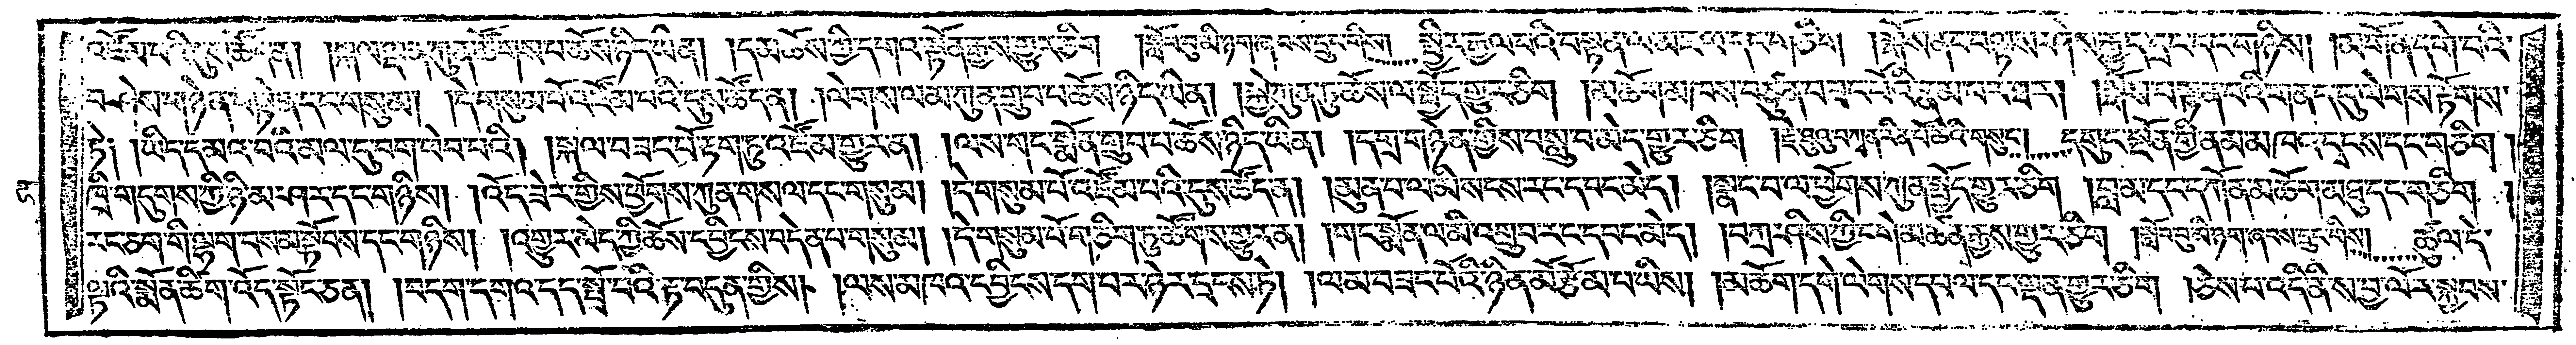འཛོམ་པའི་དུས་ཚོད་ན། །སྐལ་ལྡན་ཀུན་ཚོགས་པ་ཆོས་ཉིད་ཡིན། །དམ་ཆོས་ཀྱི་དགའ་སྟོན་རྒྱས་གྱུར་ཅིག །སློབ་བུ་མི་ཉག་ཞབས་དྲུང་གིས། སྤྱིར་རྒྱལ་བའི་བསྟན་ལ་མཇལ་དང་གཅིག །སོགས་ནང་བལྟས་ཤེས་རྒྱུད་དྲང་དང་གཉིས། །མགོན་དགེ་བའི་
བཤེས་གཉེན་བསྟེན་དང་གསུམ། །དེ་གསུམ་པོ་འཛོམ་པའི་དུས་ཚོད་ན། །ལེགས་ལམ་ཀུན་གྲུབ་པ་ཆོས་ཉིད་ཡིན། །སྐྱེ་ཀུན་ཏུ་ཆོས་ལ་སྤྱོད་གྱུར་ཅིག །མཆོག་མཁས་བཙུན་བཟང་པོའི་རྣམ་པར་ཐར། །སོགས་བསྟན་པའི་གནད་དུ་ལེགས་རྟོགས་
ཏེ༑ །ཡིད་དམའ་པའི་མལ་དུ་བག་ཕེབ་པའི། །སྐལ་བཟང་པོ་རྟག་ཏུ་འཛོམ་གྱུར་ན། །ལས་གང་སྨོན་གྲུབ་པ་ཆོས་ཉིད་ཡིན། །དགྲ་གཉེན་གྱིས་བསླུ་བ་མེད་གྱུར་ཅིག །རྗེ་ཐུའུ་བཀྭན་རིན་པོ་ཆེའི་གསུང་། དགུང་སྔོན་གྱི་ནམ་མཁའ་དྲངས་དང་གཅིག །
ཁྲི་གདུགས་ཀྱི་ཉི་མ་ཤར་དང་གཉིས། །འོད་ཟེར་གྱིས་ཕྱོགས་ཀུན་གསལ་དང་གསུམ། །དེ་གསུམ་པོ་འཛོམ་པའི་དུས་ཚོད་ན། །མུན་པ་ལ་མི་སངས་རང་དབང་མེད། །སྣང་བ་ལ་ཕྱོགས་ཀུན་སྤྱོད་གྱུར་ཅིག །བླ་མ་དང་དཀོན་མཆོག་མཐུ་དང་གཅིག། །
རང་ཅག་གི་ལྷག་བསམ་སྟོབས་དང་གཉིས། །འགྱུར་མེད་ཀྱི་ཆོས་དབྱིངས་བདེན་པ་གསུམ། །དེ་གསུམ་པོ་གཅིག་ཏུ་ཚོགས་གྱུར་ན། །གང་སྨོན་ལ་མི་འགྲུབ་རང་དབང་མེད། །བཀྲ་ཤིས་ཀྱི་དགེ་མཚན་རྒྱས་གྱུར་ཅིག །སློབ་བུ་མི་ཉག་ཞབས་དྲུང་གིས། ཚུལ་དེ་
ལྟའི་སྨོན་ཚིག་འོད་སྟོང་ཅན། །བདག་དགའ་དད་སྤྲོ་བའི་རྟ་བདུན་གྱིས། །ལས་མཁའ་དབྱིངས་དག་པར་ཉེར་དྲངས་ཏེ། །ལམ་བཟང་པོའི་ཉིན་མོ་རྩོམ་ཕ་ཡིས། །མཆོག་དགེ་ལེགས་དཔལ་དང་ལྡན་གྱུར་ཅིག །ཅེས་པ་འདི་ནི་ས་བྱ་ལོར་སྐྱབས་